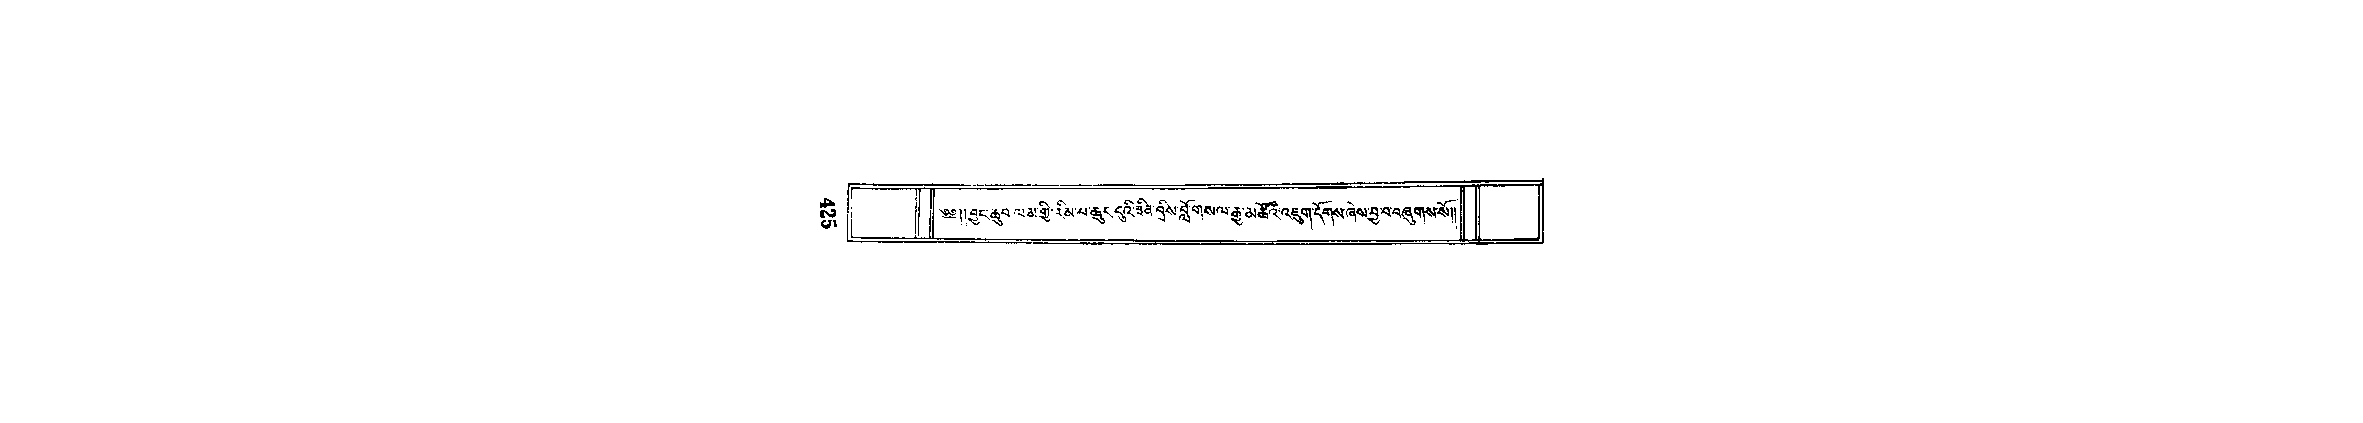༄༅། །བྱང་ཆུབ་ལམ་གྱི་རིམ་པ་ཆུང་ངུའི་ཟིན་བྲིས་བློ་གསལ་རྒྱ་མཚོའི་འཇུག་དོགས་ཞེས་བྱ་བ་བཞུགས་སོ། །